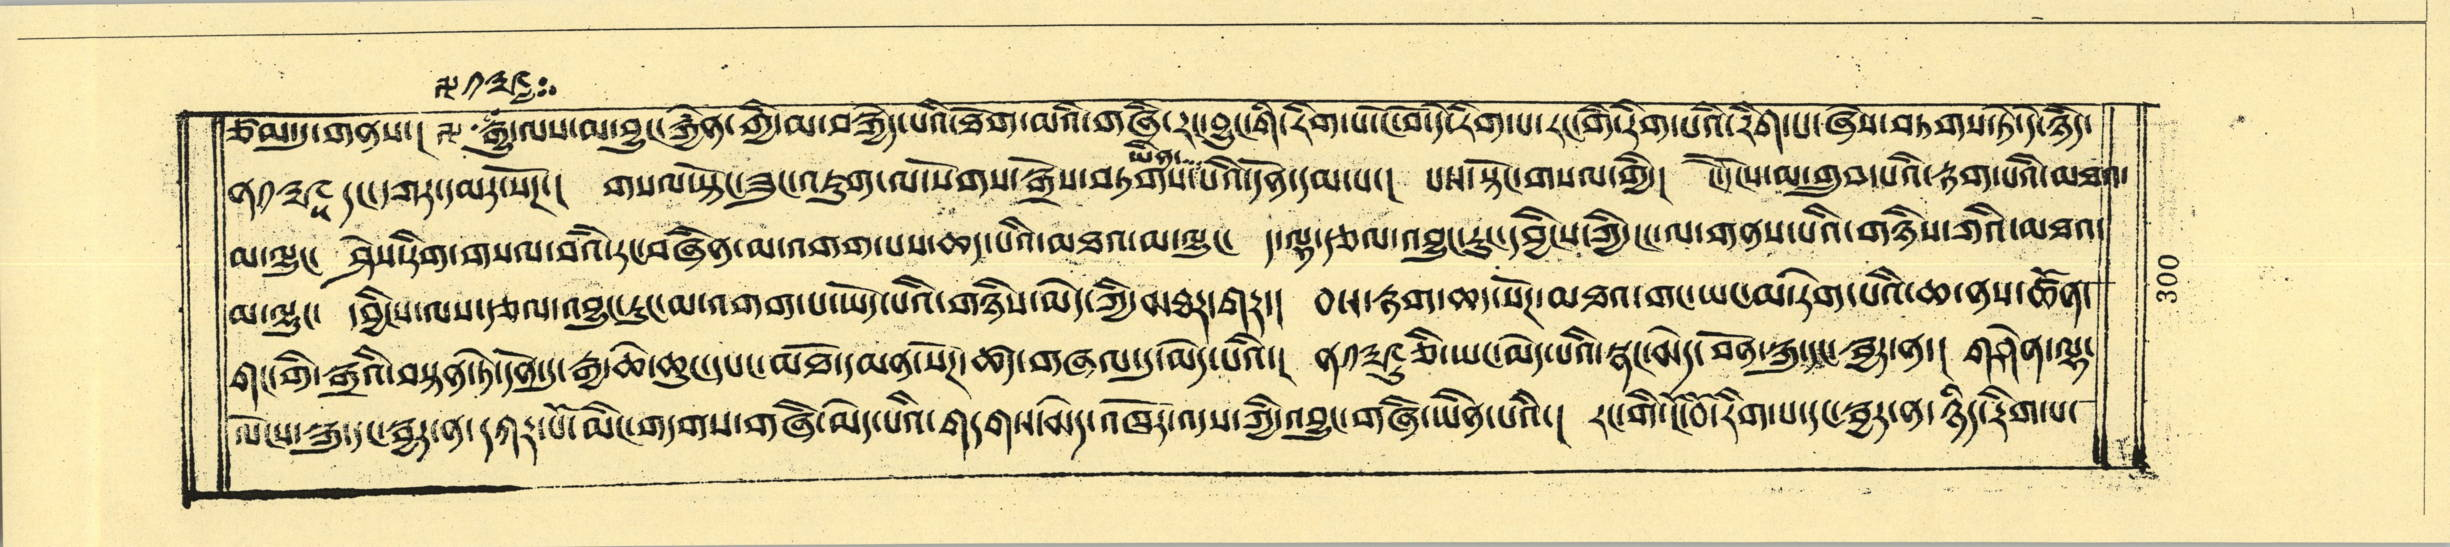ཙམ་དུ་གནས། ན༡༣༩།༤ རྒྱུ་ལས་མ་བྱུང་རྐྱེན་གྱི་མ་བསྐྱེད་པའི་ཐོག་མའི་གཞི་ ༼རང་བྱུང་གི་༽རིག་པ་ངོ་བོ་དེ་རིག་པ་རང་གི་རིག་པའི་ ༼རིག་པ་༽ཞེས་བཏགས་ཏེ་དེ་ཉིད་
ན༡༣༩།༥ དང་དཀར་དམར་སོགས། གསལ་སྟོང་ཟུང་གཇུག་ལ་སོགས་སྒྲོས་བཏགས་ཡིན་པའི་དོན་དམ་པ། ༼པས་༽སྟོང་གསལ་གྱི། ངོ་བོ་དངོས་མ་གྲུབ་པའི་རྟག་པའི་མཐའ་
མ་ལྷུང། ཤེས་རིག་གསལ་བའི་རང་བཞིན་མ་འགག་པས་ཆད་པའི་མཐའ་མ་ལྷུང། ད་ལྟ་རྩལ་འབྱུང་རུང་དབྱིངས་ཀྱི་ངང་ལ་གནས་པའི་གཉིས་ཀའི་མཐའ་
མ་ལྷུང། དབྱིངས་ལས་རྩལ་འབྱུང་རུང་མ་འགག་པ་ཡོད་པའི་གཉིས་མེད་ཀྱི་ ༼མཐར་གར་༽ ༼བས་༽རྟག་ཆད་སོགས་མཐའ་གང་ཡང་མ་རེག་པའི་ཆ་ནས་ ༼ཚོན་
གང་༽གི་སྒྲའི་བསྟན་ཏེ་དོན་དུ་རྒྱ་ཆེ་ཆུང་དཔང་མཐོ་དམན་སོགས་ཚད་གཞལ་དུ་མེད་པའི། ན༡༣༩།༦ ཅི་ཡིང་མེད་པའི་ ༼སྣང་མེད་༽བོན་སྐུ་དང་སྦྱར་ན། གཤེན་ལྷ་
ལོངས་སྐུ་དང་སྦྱར་ན་ ༼དཀར་པོ་༽མིང་གདགས་གཞི་མེད་པའི་ ༼གདགས་མེད་༽འཁོར་འདས་ཀྱི་འབྱུང་གཞི་ཡིན་པའི། རང་གི་ ༼ངོ་བོ་༽རིག་པ་དང་སྦྱར་ན། ༼ཉིད་༽རིག་པ་